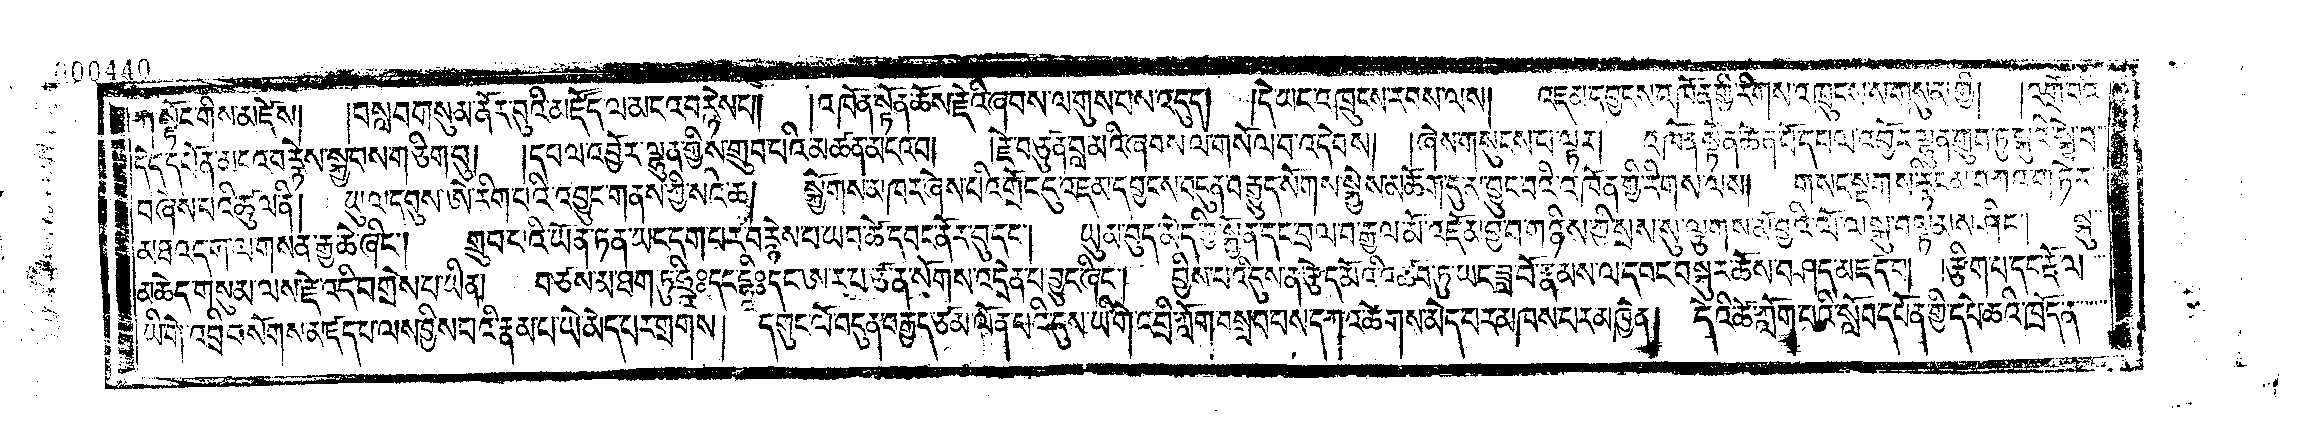ཀ་སྟོང་གིས་མཛེས། །བསླབ་གསུམ་ནོར་བུའི་མཛོད་ལ་མངའ་བརྙེས་པ། །འཁོན་སྟོན་ཆོས་རྗེའི་ཞབས་ལ་གུས་པས་འདུད། །དེ་ཡང་འཁྲུངས་རབས་ལས། འཇམ་དབྱངས་འཁོན་གྱི་རིགས་འཁྲུངས་ས་གསུམ་གྱི། །འགྲོ་བའི་
དེད་དཔོན་མངའ་བརྙེས་སྐྱབས་གཅིག་བུ། །དཔལ་འབྱོར་ལྷུན་གྱིས་གྲུབ་པའི་མཚན་མངའ་བ། །རྗེ་བཙུན་བླ་མའི་ཞབས་ལ་གསོལ་བ་འདེབས། །ཞེས་གསུངས་པ་ལྟར། འཁོན་སྟོན་ཆེན་པོ་དཔལ་འབྱོར་ལྷུན་གྲུབ་ཏུ་སྐུའི་སྐྱེ་བ་
བཞེས་བའི་ཚུལ་ནི། ཡུལ་དབུས་ཨེ་རིག་པའི་འབྱུང་གནས་ཀྱི་སའི་ཆ། སྐྱོགས་མཁར་ཞེས་པའི་གྲོང་དུ་འཇམ་དབྱངས་བདུན་བརྒྱུད་སོགས་སྐྱེས་མཆོག་ཏུ་མ་བྱུང་བའི་འཁོན་གྱི་རིགས་ལས། གསང་སྔགས་རྙིང་མ་བཀའ་གཏེར་
མཐའ་དག་ལ་གསན་རྒྱ་ཆེ་ཞིང་། གྲུབ་པའི་ཡོན་ཏན་ཡང་དག་པར་བརྙེས་པ་ཡབ་ཚེ་དབང་ནོར་བུ་དང་། ཡུམ་བུད་མེད་ཀྱི་སྐྱོན་དང་བྲལ་བ་རྒྱལ་མོ་འཛོམ་བྱ་བ་གཉིས་ཀྱི་སྲས་སུ་ལྕགས་མོ་བྱའི་ལོ་ལ་སྐུ་བལྟམས་ཤིང་། སྐུ་
མཆེད་གསུམ་ལས་རྗེ་འདི་བགྲེས་པ་ཡིན། བཙས་མ་ཐག་ཏུ་ཧྲཱིཿ དང་དྷཱིཿ དང་ཨ་ར་པ་ཙ་ན་སོགས་འདྲེན་པ་བྱུང་ཞིང་། བྱིས་པའི་དུས་ན་རྩེད་མོའི་འཚབ་ཏུ་ཡང་ཟླ་བོ་རྣམས་ལ་དབང་བསྐུར་ཆོས་བཤད་མཛད་པ། རྩིག་པ་དང་རྡོ་ལ་
ཡི་གེ་འབྲི་བ་སོགས་མཛད་པ་ལས་བྱིས་པའི་རྣམ་པ་ཡེ་མེད་པར་གྲགས། དགུང་ལོ་བདུན་བརྒྱད་ཙམ་ལོན་པའི་དུས་ཡི་གེ་འབྲི་ཀློག་བསླབ་བས་དཀའ་ཚེགས་མེད་པར་མཁས་པར་མཁྱེན། དེའི་ཚེ་ཀློག་པའི་སློབ་དཔོན་གྱི་དཔེ་ཆའི་ཁྲོད་ན་